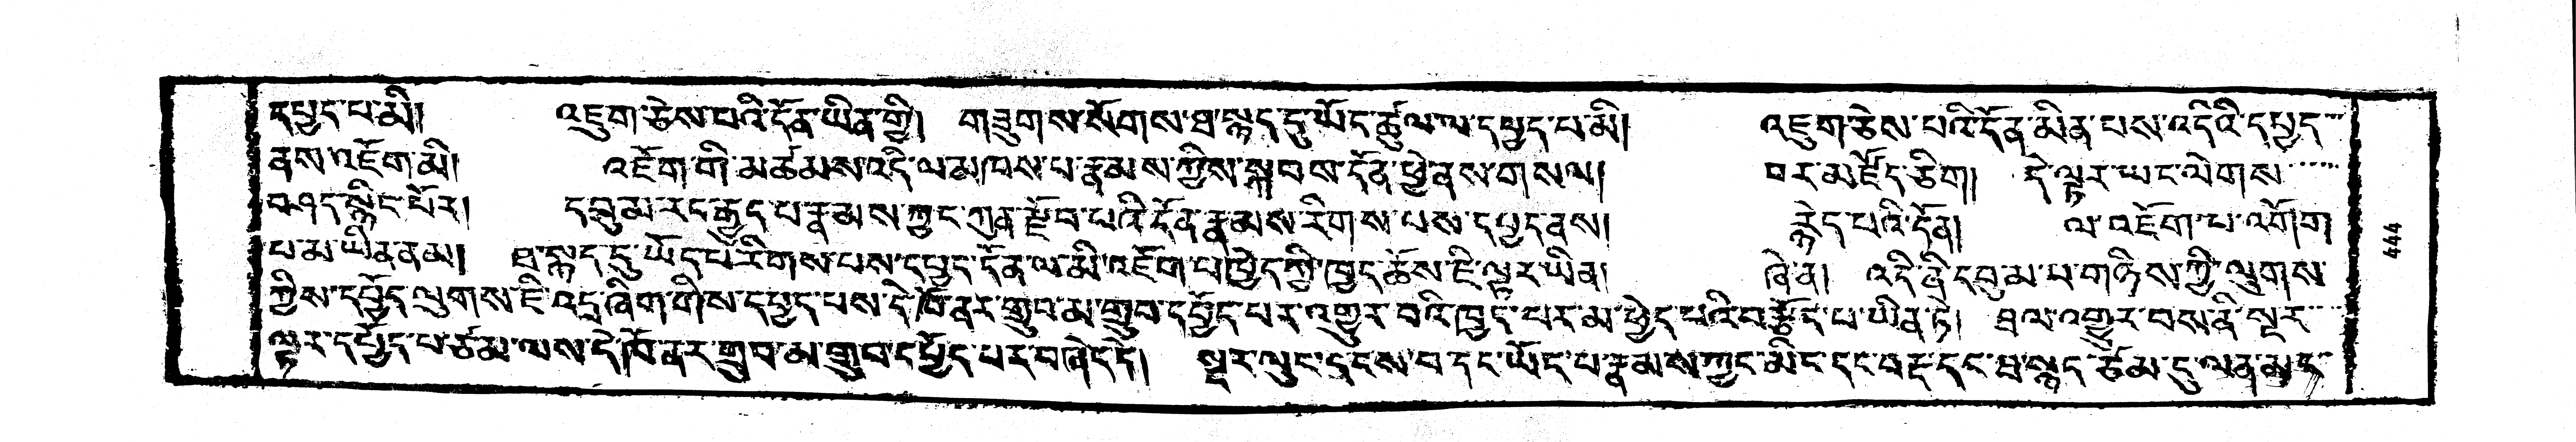དཔྱད་པ་མི། འཇུག་ཅེས་པའི་དོན་ཡིན་གྱི། གཟུགས་སོགས་ཐ་སྙད་དུ་ཡོད་ཚུལ་ལ་དཔྱད་པ་མི། འཇུག་ཅེས་པའི་དོན་མིན་པས་འདིའི་དཔྱད་
ནས་འཇོག་མི། འཇོག་གི་མཚམས་འདི་ལ་མཁས་པ་རྣམས་ཀྱིས་སྐབས་དོན་ཕྱེ་ནས་གསལ། བར་མཛོད་ཅིག། དེ་ལྟར་ཡང་ལེགས་
བཤད་སྙིང་པོར། དབུ་མ་རང་རྒྱུད་པ་རྣམས་ཀྱང་ཀུན་རྫོབ་པའི་དོན་རྣམས་རིགས་པས་དཔྱད་ནས། རྙེད་པའི་དོན། ལ་འཇོག་པ་འགོག་
པ་མ་ཡིན་ནམ། ཐ་སྙད་དུ་ཡོད་པ་རིགས་པས་དཔྱད་དོན་ལ་མི་འཇོག་པ་ཁྱེད་ཀྱི་ཁྱད་ཆོས་ཇི་ལྟར་ཡིན། ཞེ་ན། འདི་ནི་དབུ་མ་པ་གཉིས་ཀྱི་ལུགས་
ཀྱིས་དཔྱོད་ལུགས་ཇི་འདྲ་ཞིག་གིས་དཔྱད་པས་དེ་ཁོ་ནར་གྲུབ་མ་གྲུབ་དཔྱོད་པར་འགྱུར་བའི་ཁྱད་པར་མ་ཕྱེད་པའི་བརྩོད་པ་ཡིན་ཏེ། ཐལ་འགྱུར་བས་ནི་སྔར་
ལྟར་དཔྱོད་པ་ཙམ་ལས་དེ་ཁོ་ནར་གྲུབ་མ་གྲུབ་དཔྱོད་པར་བཞེད་དོ། སྔར་ལུང་དངས་བ་དང་ཡོད་པ་རྣམས་ཀྱང་མིང་དང་བརྡ་དང་ཐ་སྙད་ཙམ་དུ་ལན་མང་